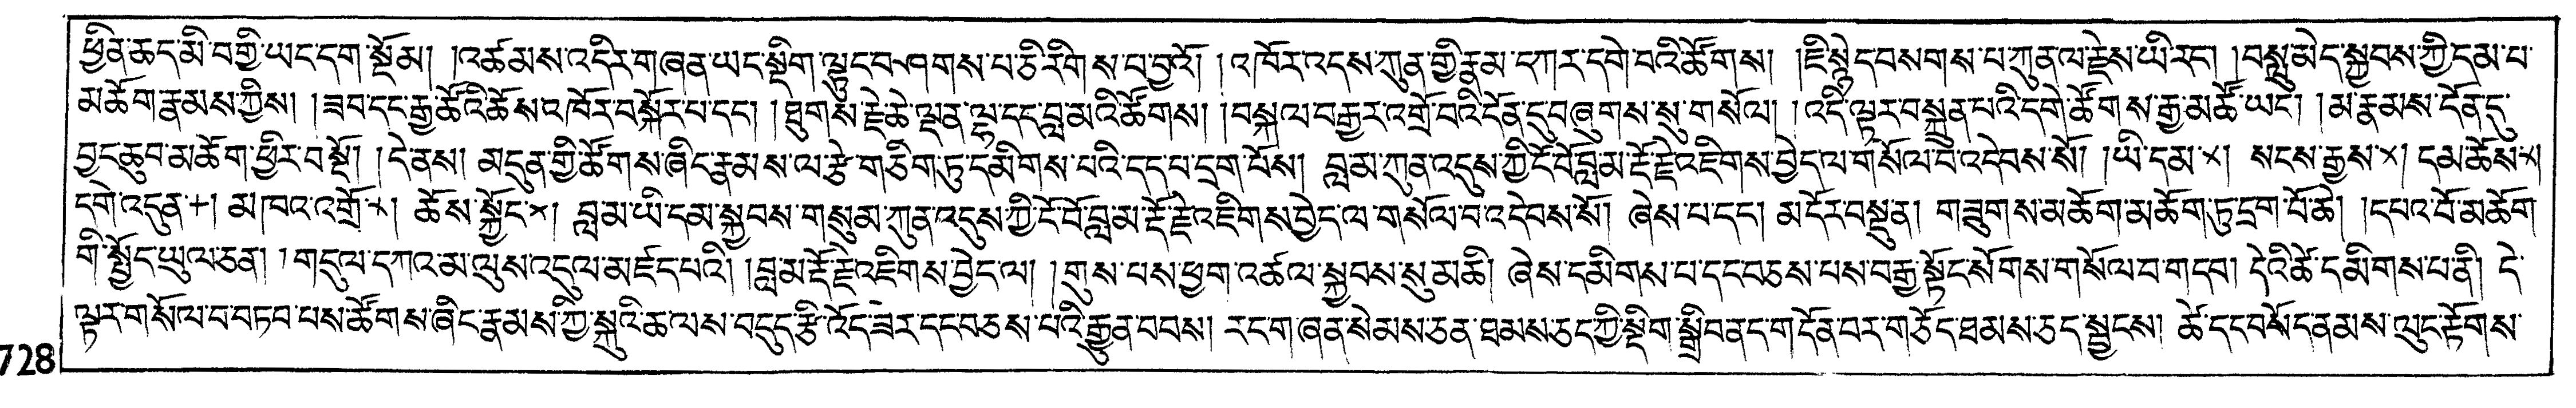ཕྱིན་ཆད་མི་བགྱི་ཡང་དག་སྡོམ། །འཚམས་འདིར་གཞན་ཡང་སྡིག་ལྟུང་བཤགས་པ་ཅི་རིགས་པ་བྱའོ། །འཁོར་འདས་ཀུན་གྱི་རྣམ་དཀར་དགེ་བའི་ཚོགས། །ཇི་སྙེད་བསགས་པ་ཀུན་ལ་རྗེས་ཡི་རང་། །བསླུ་མེད་སྐྱབས་ཀྱི་དམ་པ་
མཆོག་རྣམས་ཀྱིས། །ཟབ་དང་རྒྱ་ཚོའི་ཆོས་འཁོར་བསྐོར་པ་དང་། །ཐུགས་རྗེ་ཆེ་ལྡན་ལྷ་དང་བླ་མའི་ཚོགས། །བསྐལ་བརྒྱར་འགྲོ་བའི་དོན་དུ་བཞུགས་སུ་གསོལ། །འདི་ལྟར་བསྐྲུན་པའི་དགེ་ཚོགས་རྒྱ་མཚོ་ཡང་། །མ་རྣམས་དོན་དུ་
བྱང་ཆུབ་མཆོག་ཕྱིར་བསྔོ། །དེ་ནས། མདུན་གྱི་ཚོགས་ཞིང་རྣམས་ལ་རྩེ་གཅིག་ཏུ་དམིགས་པའི་དད་པ་དྲག་པོས། བླ་མ་ཀུན་འདུས་ཀྱི་ངོ་བོ་བླ་མ་རྡོ་རྗེ་འཇིགས་བྱེད་ལ་གསོལ་བ་འདེབས་སོ། །ཡི་དམ་྾། སངས་རྒྱས་྾། དམ་ཆོས་྾།
དགེ་འདུན་྾། མཁའ་འགྲོ་྾། ཆོས་སྐྱོང་྾། བླ་མ་ཡི་དམ་སྐྱབས་གསུམ་ཀུན་འདུས་ཀྱི་ངོ་བོ་བླ་མ་རྡོ་རྗེ་འཇིགས་བྱེད་ལ་གསོལ་བ་འདེབས་སོ། །ཞེས་པ་དང་། མདོར་བསྡུ་ན། གཟུགས་མཆོག་མཆོག་ཏུ་དྲག་པོ་ཆེ། །དཔའ་བོ་མཆོག་
གི་སྤྱོད་ཡུལ་ཅན། །གདུལ་དཀའ་མ་ལུས་འདུལ་མཛད་པའི། །བླ་མ་རྡོ་རྗེ་འཇིགས་བྱེད་ལ། །གུས་པས་ཕྱག་འཚལ་སྐྱབས་སུ་མཆི། ཞེས་དམིགས་པ་དང་བཅས་པས་བརྒྱ་སྟོང་སོགས་གསོལ་བ་གདབ། དེའི་ཚེ་དམིགས་པ་ནི། དེ་
ལྟར་གསོལ་བ་བཏབ་པས་ཚོགས་ཞིང་རྣམས་ཀྱི་སྐུའི་ཆ་ལས་བདུད་རྩི་འོད་ཟེར་དང་བཅས་པའི་རྒྱུན་བབས། རང་གཞན་སེམས་ཅན་ཐམས་ཅད་ཀྱི་སྡིག་སྒྲིབ་ནད་གདོན་བར་གཅོད་ཐམས་ཅད་སྦྱངས། ཚེ་དང་བསོད་ནམས་ལུང་རྟོགས་